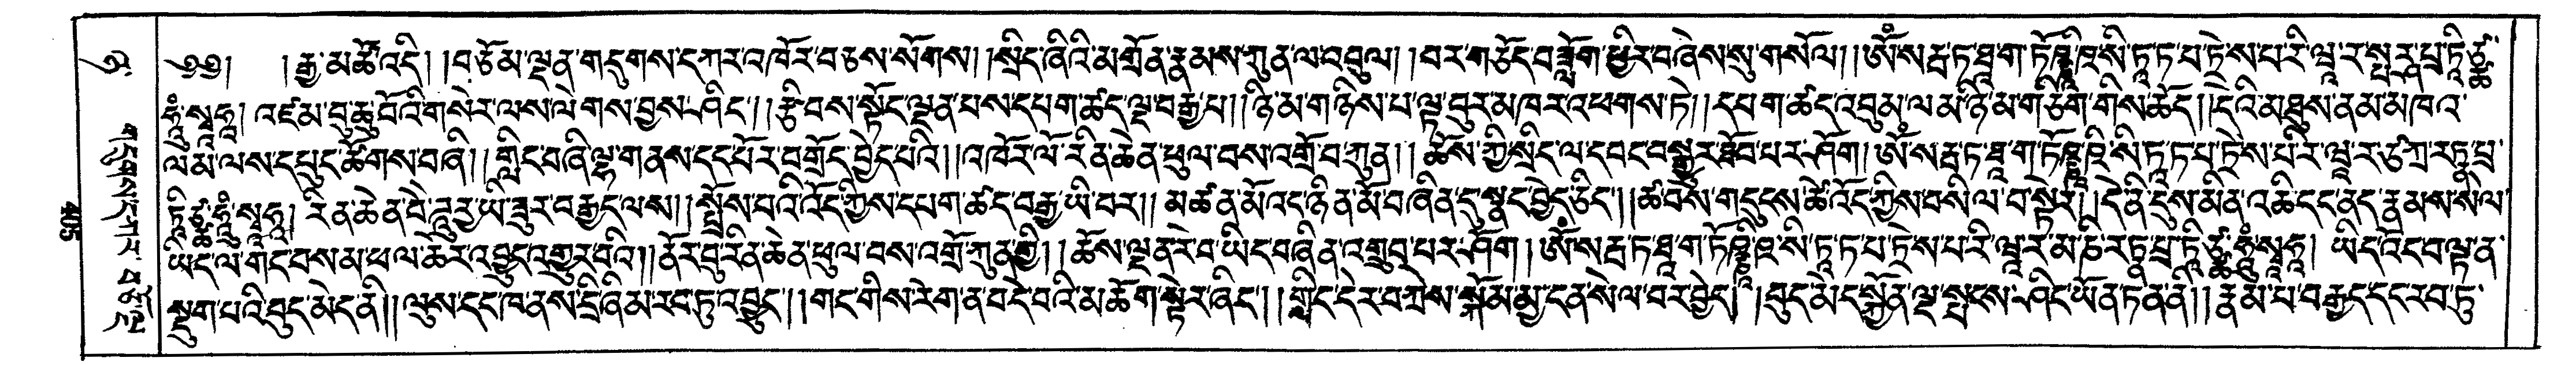༄༅། །རྒྱ་མཚོ་འདི། །བཅོམ་ལྡན་གདུགས་དཀར་འཁོར་བཅས་སོགས། །སྲིད་ཞིའི་མགྲོན་རྣམས་ཀུན་ལ་འབུལ། །བར་གཅོད་བཟློག་ཕྱིར་བཞེས་སུ་གསོལ། །ཨོཾ་སརྦ་ཏ་ཐཱ་ག་ཏོཥྞཱི་ཥ་སི་ཏཱ་ཏ་པ་ཏྲེ་ས་པ་རི་ཝཱ་ར་སྤརྴ་པྲ་ཏཱིཙྪ་
ཧཱུཾ་སྭཱཧཱ། འཛམ་བུ་ཆུ་བོའི་གསེར་ལས་ལེགས་བྱས་ཤིང་། །རྩིབས་སྟོང་ལྡན་པས་དཔག་ཚད་ལྔ་བརྒྱ་པ། །ཉི་མ་གཉིས་པ་ལྟ་བུར་མཁར་འཕགས་ཏེ། །དཔག་ཚད་འབུམ་ལམ་ཉི་མ་གཅིག་གིས་ཆོད། །དེའི་མཐུས་ནམ་མཁའི་
ལམ་ལས་དཔུང་ཚོགས་བཞི། །གླིང་བཞི་ལྷ་གནས་དང་པོར་བགྲོད་བྱེད་པའི། །འཁོར་ལོ་རིན་ཆེན་ཕུལ་བས་འགྲོ་བ་ཀུན། །ཆོས་ཀྱི་སྲིད་ལ་དབང་བསྒྱུར་ཐོབ་པར་ཤོག། ཨོཾ་སརྦ་ཏ་ཐཱ་ག་ཏོཥྞཱི་ཥ་སི་ཏཱ་ཏ་པ་ཏྲེ་ས་པི་ར་ཝཱ་ར་ཙཀྲ་རཏྣ་པྲ་
ཏཱིཙྪ་ཧཱུཾ་སྭཱཧཱ། རིན་ཆེན་བི་ཌཱུརྱ་ཡི་ཟུར་བརྒྱད་ལས། །སྤྲོས་པའི་འོད་ཀྱིས་དཔག་ཚད་བརྒྱ་ཡི་བར། །མཚན་མོའང་ཉིན་མོ་བཞིན་དུ་སྣང་བྱེད་ཅིང་། །ཚ་བས་གདུངས་ཚེ་འོད་ཀྱིས་བསིལ་བ་སྟེར། །དེ་ནི་དུས་མིན་འཆི་དང་ནང་རྣམས་སེལ།
ཡིད་ལ་གང་བསམ་ཕལ་ཆེར་འབྱུང་འགྱུར་བའི། །ནོར་བུ་རིན་ཆེན་ཕུལ་བས་འགྲོ་ཀུན་གྱི། །ཆོས་ལྡན་རེ་བ་ཡིད་བཞིན་འགྲུབ་པར་ཤོག །ཨོཾ་སརྦ་ཏ་ཐཱ་ག་ཏོ་ཥྞཱི་ཥ་སི་ཏཱ་ཏ་པ་ཏྲེ་ས་པ་རི་ཝཱ་ར་མ་ཎི་རཏྣ་པྲ་ཏཱིཙྪ་ཧཱུཾ་སྭཱཧཱ། ཡིད་འོང་བལྟན་
སྡུག་པའི་བུད་མེད་ནི། །ལུས་དང་ཁ་ནས་དྲི་ཞིམ་རབ་ཏུ་འབྱུང་། །གང་གིས་རེག་ན་བདེ་བའི་མཆོག་སྟེར་ཞིང་། །གླིང་དེར་བཀྲེས་སྐོམ་མྱ་ངན་སེལ་བར་བྱེད། །བུད་མེད་སྐྱོན་ལྔ་སྤངས་ཤིང་ཡོན་ཏན་ནི། །རྣམ་པ་བརྒྱད་དང་རབ་ཏུ་